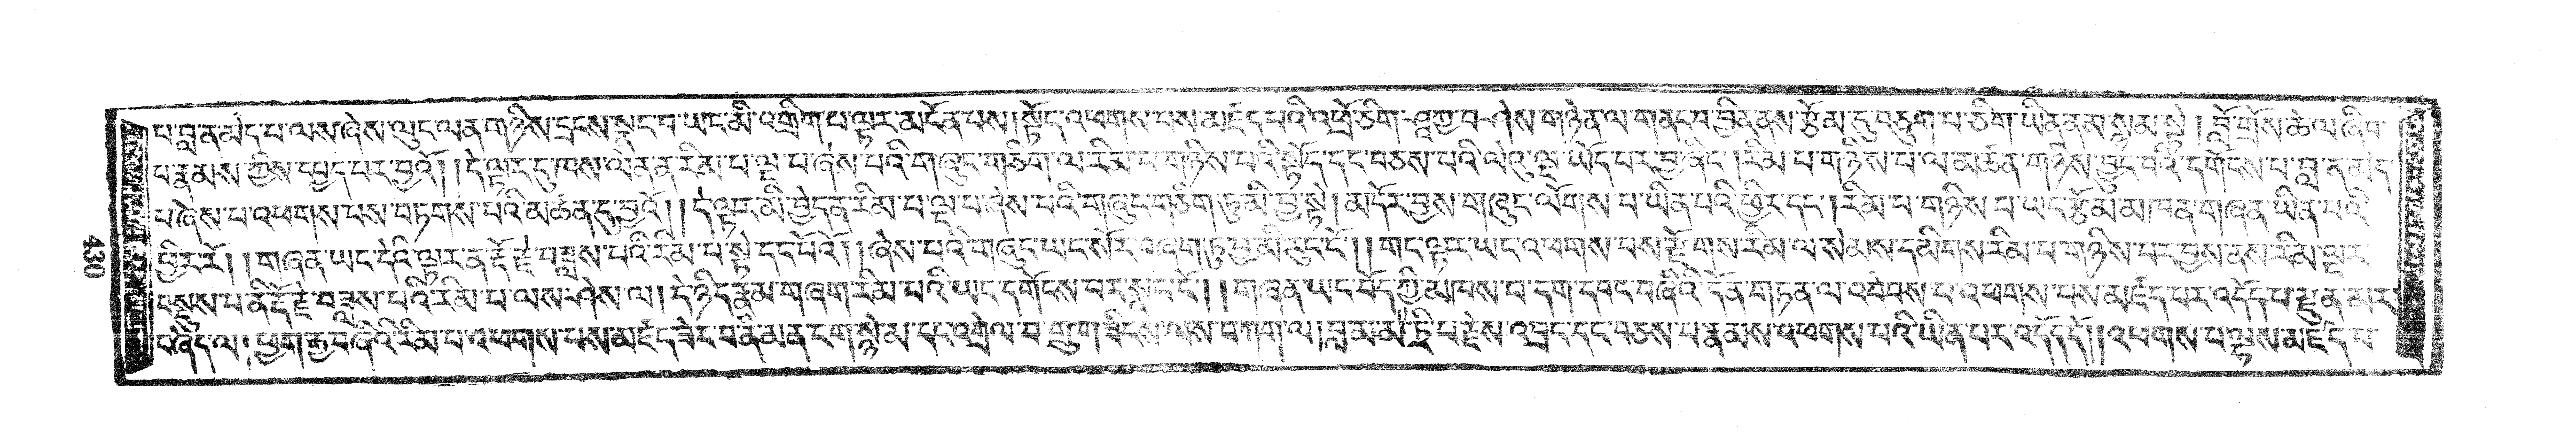པ་བླ་ན་མེད་པ་ལས་ཞེས་ལུང་ལན་གཉིས་དྲངས་སྣང་བ་ཡང་མི་འགྲིག་པ་ལྟར་མངོན་པས། སྟོང་འཕགས་པས་མཛད་པའི་འཕྲོ་ཅིག་ཤཱཀྱ་བཤེས་གཉེན་ལ་གནང་བ་བྱིན་ནས་རྩོམ་དུ་བཅུག་པ་ཅིག་ཡིན་ནམ་སྙམ་སྟེ། བློ་གྲོས་ཆེ་ལ་ཞིབ་
པ་རྣམས་ཀྱིས་དཔྱད་པར་བྱའོ། །དེ་ལྟར་དུ་ཁས་ལེན་ན་རིམ་པ་ལྔ་པ་ཞེས་པའི་གཞུང་གཅིག་ལ་རིམ་པ་གཉིས་པའི་སྟོད་དང་བཅས་པའི་ལེའུ་ལྔ་ཡོད་པར་བྱ་ཞིང་། རིམ་པ་གཉིས་པ་ལ་མཚན་གཉིས་བྱུང་བའི་དགོངས་པ་བླ་ན་མེད་
པ་ཞེས་པ་འཕགས་པས་བཏགས་པའི་མཚན་དུ་བྱའོ། །དེ་ལྟར་མི་བྱེད་ན་རིམ་པ་ལྔ་པ་ཞེས་པའི་གཞུང་གཅིག་ཏུ་མི་བྱ་སྟེ། མདོར་བྱས་གཞུང་ལུགས་པ་ཡིན་པའི་ཕྱིར་དང་། རིམ་པ་གཉིས་པ་ཡང་རྩོམ་མཁན་གཞན་ཡིན་པའི་
ཕྱིར་རོ། །གཞན་ཡང་དེའི་ལྟར་ན་བཟླས་པའི་རིམ་པ་སྟེ་དང་པོའོ། །ཞེས་པའི་གཞུང་ཡང་སོར་བཞག་ཏུ་མི་རུང་ངོ། །གང་ལྟར་ཡང་འཕགས་པས་རྫོགས་རིམ་ལ་སེམས་དམིགས་རིམ་པ་གཉིས་པར་བྱས་ནས་རིམ་ལྔར་
བསྡུས་པ་ནི་རྡོ་རྗེ་བཟླས་པའི་རིམ་པ་ལས་ཤེས་ལ། དེ་ཉིད་རྣམ་གཞག་རིམ་པའི་ཡང་དགོངས་པར་སྣང་ངོ། །གཞན་ཡང་བོད་ཀྱི་མཁས་པ་དག་དབང་བཞིའི་དོན་གཏན་ལ་འབེབས་པ་འཕགས་པས་མཛད་པར་འདོད་པ་རྫུན་མར་
བཞེད་ལ། ཕྱག་རྒྱ་བཞིའི་རིམ་པ་འཕགས་པས་མཛད་ཟེར་བ་ནི་མན་ང་སྙེ་མ་དང་འགྲེལ་བ་གྲུ་གཟིངས་ལས་བཀག་ལ། བླ་མ་མཻ་ཏྲི་པ་རྗེས་འབྲང་དང་བཅས་པ་རྣམས་འཕགས་པའི་ཡིན་པར་འདོད་དོ། །འཕགས་པ་ལྷས་མཛད་པ་